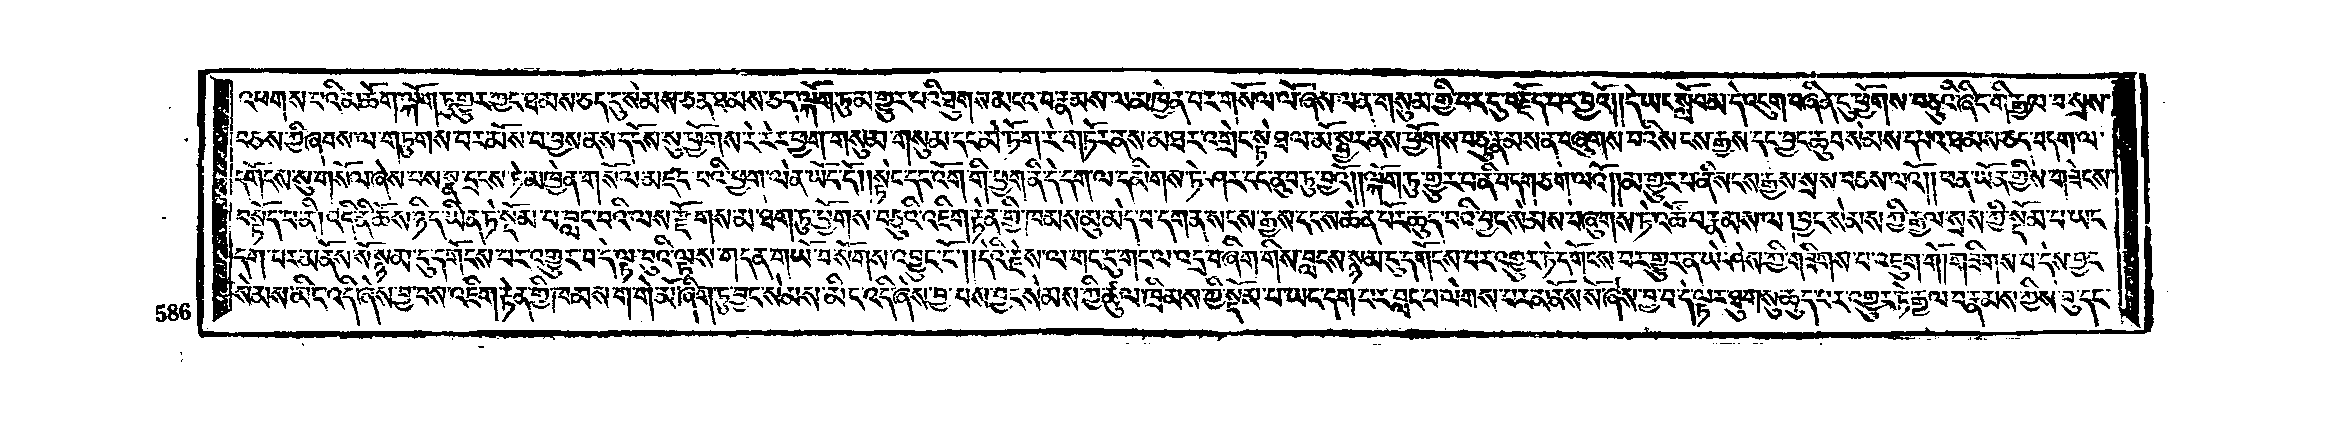འཕགས་པའི་མཆོག་ལྐོག་ཏུ་གྱུར་ཀྱང་ཐམས་ཅད་དུ་སེམས་ཅན་ཐམས་ཅད་ལྐོག་ཏུ་མ་གྱུར་པའི་ཐུགས་མངའ་བ་རྣམས་ལ་མཁྱེན་པར་གསོལ་ལོ་ཞེས་ལན་གསུམ་གྱི་བར་དུ་བརྗོད་པར་བྱའོ། །དེ་ཡང་སློབ་མ་དེ་འདུག་བཞིན་དུ་ཕྱོགས་བཅུའི་ཞིང་གི་རྒྱལ་བ་སྲས་
བཅས་ཀྱི་ཞབས་ལ་གཏུགས་པར་མོས་པ་བྱས་ནས་དངོས་སུ་ཕྱོགས་རེ་རེར་ཕྱག་གསུམ་གསུམ་དང་མེ་ཏོག་རེ་གཏོར་ནས་མཐར་འགྲེང་སྟེ་ཐལ་མོ་སྦྱར་ནས་ཕྱོགས་བཅུ་རྣམས་ན་བཞུགས་པའི་སངས་རྒྱས་དང་བྱང་ཆུབ་སེམས་དཔའ་ཐམས་ཅད་བདག་ལ་
དགོངས་སུ་གསོལ་ཞེས་པས་སྣ་དྲངས་ཏེ་མཁྱེན་གསོལ་མཛད་པའི་ཕྱག་ལེན་ཡོད་དོ། །སྟེང་དང་འོག་གི་ཕྱག་ནི་དེ་དག་ལ་དམིགས་ཏེ་ཤར་དང་ནུབ་ཏུ་བྱའོ། །ལྐོག་ཏུ་གྱུར་པ་ནི་བདག་ཅག་ལའོ། །མ་གྱུར་པ་ནི་སངས་རྒྱས་སྲས་བཅས་ལའོ། །ཕན་ཡོན་གྱིས་གཟེངས་
བསྟོད་པ་ནི། འདི་ནི་ཆོས་ཉིད་ཡིན་ཏེ་སྡོམ་པ་བླང་བའི་ལས་རྫོགས་མ་ཐག་ཏུ་ཕྱོགས་བཅུའི་འཇིག་རྟེན་གྱི་ཁམས་མུ་མེད་པ་དག་ན་སངས་རྒྱས་དང་ས་ཆེན་པོར་ཆུད་པའི་བྱང་སེམས་བཞུགས་ཏེ་འཚོ་བ་རྣམས་ལ། བྱང་སེམས་ཀྱི་རྒྱལ་སྲས་ཀྱི་སྡོམ་པ་ཡང་
དག་པར་མནོས་སོ་སྙམ་དུ་དགོངས་པར་འགྱུར་བ་དེ་ལྟ་བུའི་ལྟས་གདན་གཡོ་བ་སོགས་འབྱུང་ངོ། །དེའི་རྗེས་ལ་གང་དུ་གང་ལ་འདྲ་བ་ཞིག་གིས་བླངས་སྙམ་དུ་དགོངས་པར་འགྱུར་ཏེ་དགོངས་པར་གྱུར་ན་ཡེ་ཤེས་ཀྱི་གཟིགས་པ་འཇུག་གོ །གཟིགས་པ་དེས་བྱང་
སེམས་མིང་འདི་ཞེས་བྱ་བས་འཇིག་རྟེན་གྱི་ཁམས་ག་གེ་མོ་ཞིག་ཏུ་བྱང་སེམས་མིང་འདི་ཞེས་བྱ་བས་བྱང་སེམས་ཀྱི་ཚུལ་ཁྲིམས་ཀྱི་སྡོམ་པ་ཡང་དག་པར་བླང་པ་ལེགས་པར་མནོས་སོ་ཞེས་བྱ་བ་དེ་ལྟར་ཐུགས་སུ་ཆུད་པར་འགྱུར་ཏེ་རྒྱལ་བ་རྣམས་ཀྱིས་བུ་དང་